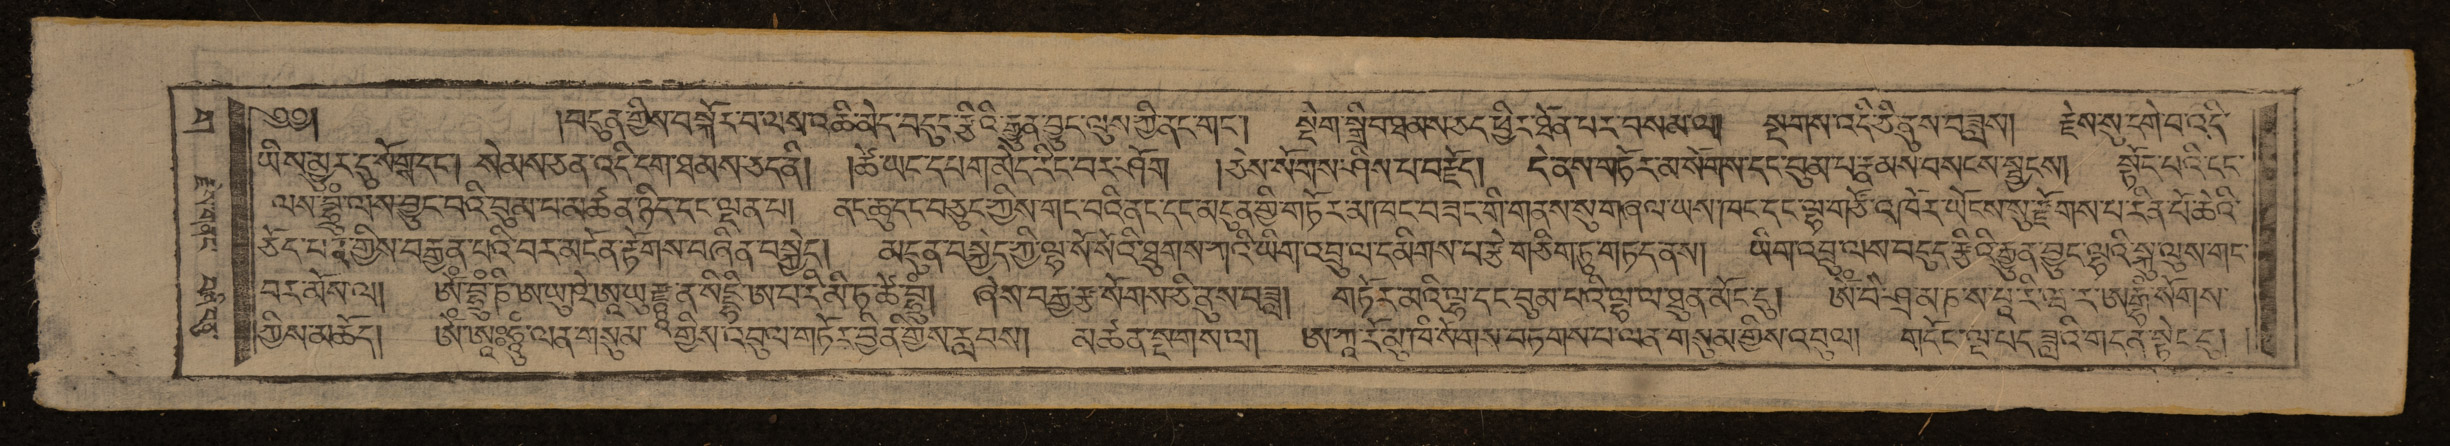༄༅། །བདུན་གྱིས་བསྐོར་བ་ལས་འཆི་མེད་བདུད་རྩིའི་རྒྱུན་བྱུང་ལུས་ཀྱི་ནང་གང་། སྡིག་སྒྲིབ་ཐམས་ཅད་ཕྱིར་ཐོན་པར་བསམ་ལ། སྔགས་འདི་ཅི་ནུས་བཟླས། རྫས་སུ་དགེ་བ་འདི་
ཡིས་མྱུར་དུ་སོགས་དང་། སེམས་ཅན་འདི་དག་ཐམས་ཅད་ནི། །ཚེ་ཡང་དཔག་མེད་རིང་བར་ཤོག །ཅེས་སོགས་ཤིས་པ་བརྗོད། དེ་ནས་གཏོར་མ་སོགས་དང་བུམ་པ་རྣམས་བསངས་སྦྱངས། སྟོང་པའི་ངང་
ལས་བྷྲུཾ་ལས་བྱུང་བའི་བུམ་པ་མཚན་ཉིད་དང་ལྡན་པ། མང་ཆུ་དང་བཅུང་ཀྱིས་གང་བའི་ནང་དང་མདུན་གྱི་གཏོར་མ་ཁང་བཟང་གི་གནས་སུ་གཞལ་ཡས་ཁང་དང་ལྷ་གཙོ་འཁོར་ཡོངས་སུ་རྫོགས་པ་རིན་པོ་ཆེའི་
ཅོད་པན་གྱིས་བརྒྱན་པའི་པར་མངོན་རྟོགས་བཞིན་བསྐྱེད། མདུན་བསྐྱེད་ཀྱི་ལྷ་སོ་སོའི་ཐུགས་ཀའི་ཡིག་འབྲུ་ལ་དམིགས་པ་རྩེ་གཅིག་ཏུ་གཏད་ནས། ཡིག་འབྲུ་ལས་བདུད་རྩིའི་རྒྱུན་བྱུང་ལྷའི་སྐུ་ལུས་གང་
བར་མོས་ལ། ཨོཾ་བྷྲུཾ་ཎི་ཨ་ཡུ་ཥེ་ཨཱ་ཡུརྫྙཱ་ན་སིདྡྷི་ཨ་པ་རི་མི་ཏ་ཚེ་བྷྲུཾ། ཞེས་བརྒྱ་རྩ་སོགས་ཅི་ནུས་བཟླ། གཏོར་མའི་ལྷ་དང་བུམ་པའི་ལྷ་ལ་ཐུན་མོང་དུ། ཨོཾ་བཻ་ཤྲ་མ་ན་ས་པཱ་རི་ཝ་ར་ཨརྒྷཾ་སོགས་
ཀྱིས་མཆོད། ཨོཾ་ཨཱཿཏྲུཾ་ལན་གསུམ་གྱིས་འབུལ་གཏོར་བྱིན་གྱིས་རླབས། མཚན་སྔགས་ལ། ཨ་ཀཱ་རོ་མུ་ཁཾ་སོགས་བཏགས་པ་ལན་གསུམ་གྱིས་འབུལ། གདོང་ལྔ་པད་ཟླའི་གདན་སྟེང་དུ། །